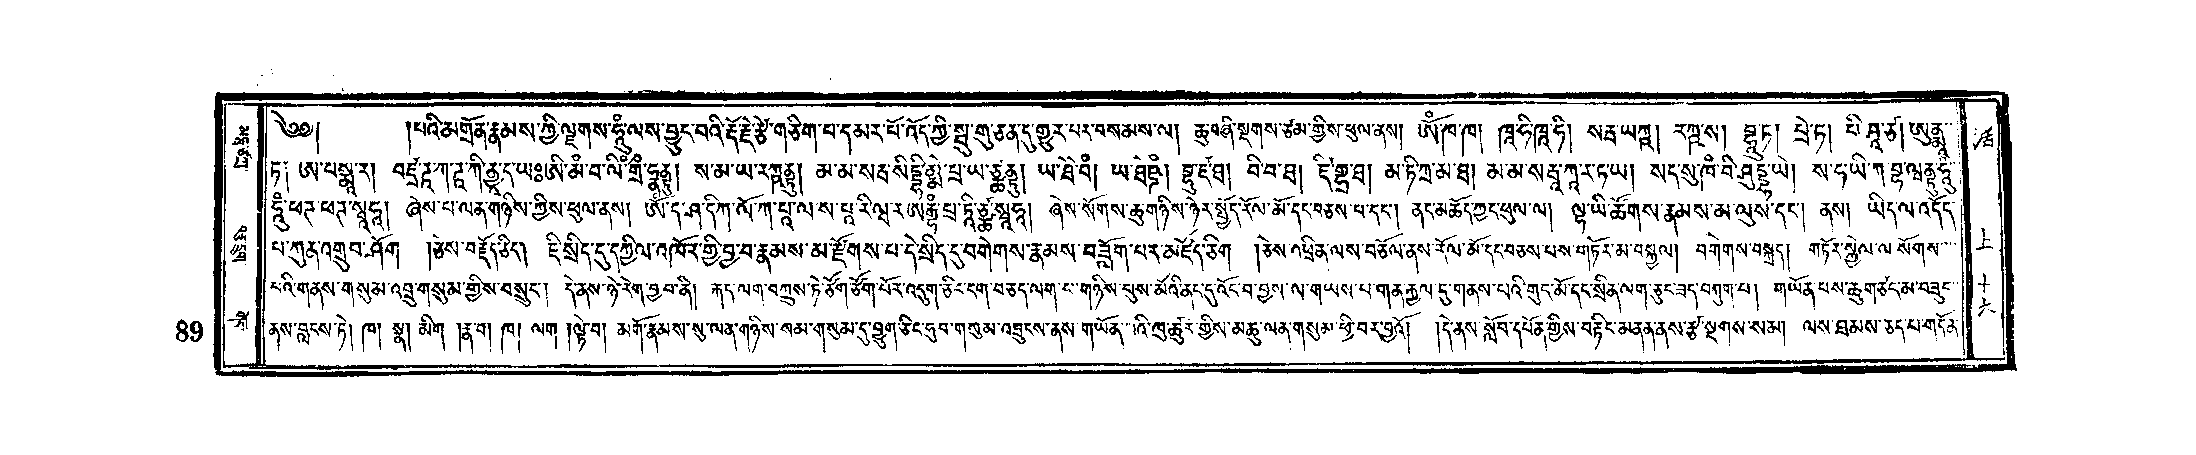༄༅། །པའི་མགྲོན་རྣམས་ཀྱི་ལྗགས་ཧཱུཾ་ལས་བྱུང་བའི་རྡོ་རྗེ་རྩེ་གཅིག་པ་དམར་པོ་འོད་ཀྱི་སྦུ་གུ་ཅན་དུ་གྱུར་པར་བསམས་ལ། ཆུ་བཞི་སྔགས་ཙམ་གྱིས་ཕུལ་ནས། ཨོཾ་ཁ་ཁ། ཁཱ་ཧི་ཁཱ་ཧི། སརྦ་ཡཀྵ། རཀྵ་ས། བྷཱུ་ཏ། པྲེ་ཏ། པི་ཤཱ་ཙ། ཨུནྨཱ་
ཏ། ཨ་པསྨཱ་ར། བཛྲ་ཌཱ་ཀི་ནྱཱ་ད་ཡཿ ཨི་མཾ་བ་ལིཾ་གྲྀ་ཧྣནྟུ། ས་མ་ཡ་རཀྵནྟུ། མ་མ་སརྦ་སིདྡྷི་མྨེ་པྲ་ཡ་ཙྪནྟུ། ཡ་ཐཻ་བཾ། ཡ་ཐེཥྜཾ། བྷུ་ཛ་ཐ། བི་བ་ཐ། ཛི་གྷྲ་ཐ། མ་ཏི་ཀྲ་མ་ཐ། མ་མ་སརྦཱ་ཀཱ་ར་ཏ་ཡ། སད་སུ་ཁཾ་བི་ཤུདྡྷ་ཡེ། ས་ཧ་ཡི་ཀ་བྷ་ཝནྟུ་ཧཱུཾ་
ཧཱུཾ་ཕཊ་ཕཊ་སྭཱཧཱ། ཞེས་པ་ལན་གཉིས་ཀྱིས་ཕུལ་ནས། ཨོཾ་ད་ཤ་དི་ཀ་ལོ་ཀ་པཱ་ལ་ས་པཱ་རི་ཝ་ར་ཨརྒྷཾ་པྲ་ཏཱི་ཙྪ་སྭཱཧཱ། ཞེས་སོགས་ཆུ་གཉིས་ཉེར་སྤྱོད་རོལ་མོ་དང་བཅས་པ་དང་། ནང་མཆོད་ཀྱང་ཕུལ་ལ། ལྷ་ཡི་ཚོགས་རྣམས་མ་ལུས་དང་། ནས། ཡིད་ལ་འདོད་
པ་ཀུན་འགྲུབ་ཤོག །ཅེས་བརྗོད་ཅིང་། ཇི་སྲིད་དུ་དཀྱིལ་འཁོར་གྱི་བྱ་བ་རྣམས་མ་རྫོགས་པ་དེ་སྲིད་དུ་བགེགས་རྣམས་བཟློག་པར་མཛོད་ཅིག །ཅེས་འཕྲིན་ལས་བཅོལ་ནས་རོལ་མོ་དང་བཅས་པས་གཏོར་མ་བསྐྱལ། བགེགས་བསྐྲད། གཏོར་སྐྱེལ་ལ་སོགས་
པའི་གནས་གསུམ་འབྲུ་གསུམ་གྱིས་བསྲུང་། དེ་ནས་ཉེ་རེག་བྱ་བ་ནི། རྐང་ལག་བཀྲུས་ཏེ་ཙོག་ཙོག་པོར་འདུག་ཅིང་ངག་བཅད་ལག་པ་གཉིས་པུས་མོའི་ནང་དུ་འོང་བ་བྱས་ལ་གཡས་པ་གན་རྐྱལ་དུ་གནས་པའི་གུང་མོ་དང་སྲིན་ལག་ཅུང་ཟད་བཀུག་པ། གཡོན་པས་ཆུ་གཙང་མ་བཟུང་
ནས་བླངས་ཏེ། ཁ། སྣ། མིག །རྣ་བ། ཁ། ལག །ལྟེ་བ། མགོ་རྣམས་སུ་ལན་གཉིས་སམ་གསུམ་དུ་བྱུག་ཅིང་ཧུབ་གསུམ་འཐུངས་ནས་གཡོན་པའི་ཁུ་ཚུར་གྱིས་མཆུ་ལན་གསུམ་ཕྱི་བར་བྱའོ། །དེ་ནས་སློབ་དཔོན་གྱིས་བརྟིང་མནན་ནས་རྩ་སྔགས་སམ། ལས་ཐམས་ཅད་པ་གདོན་